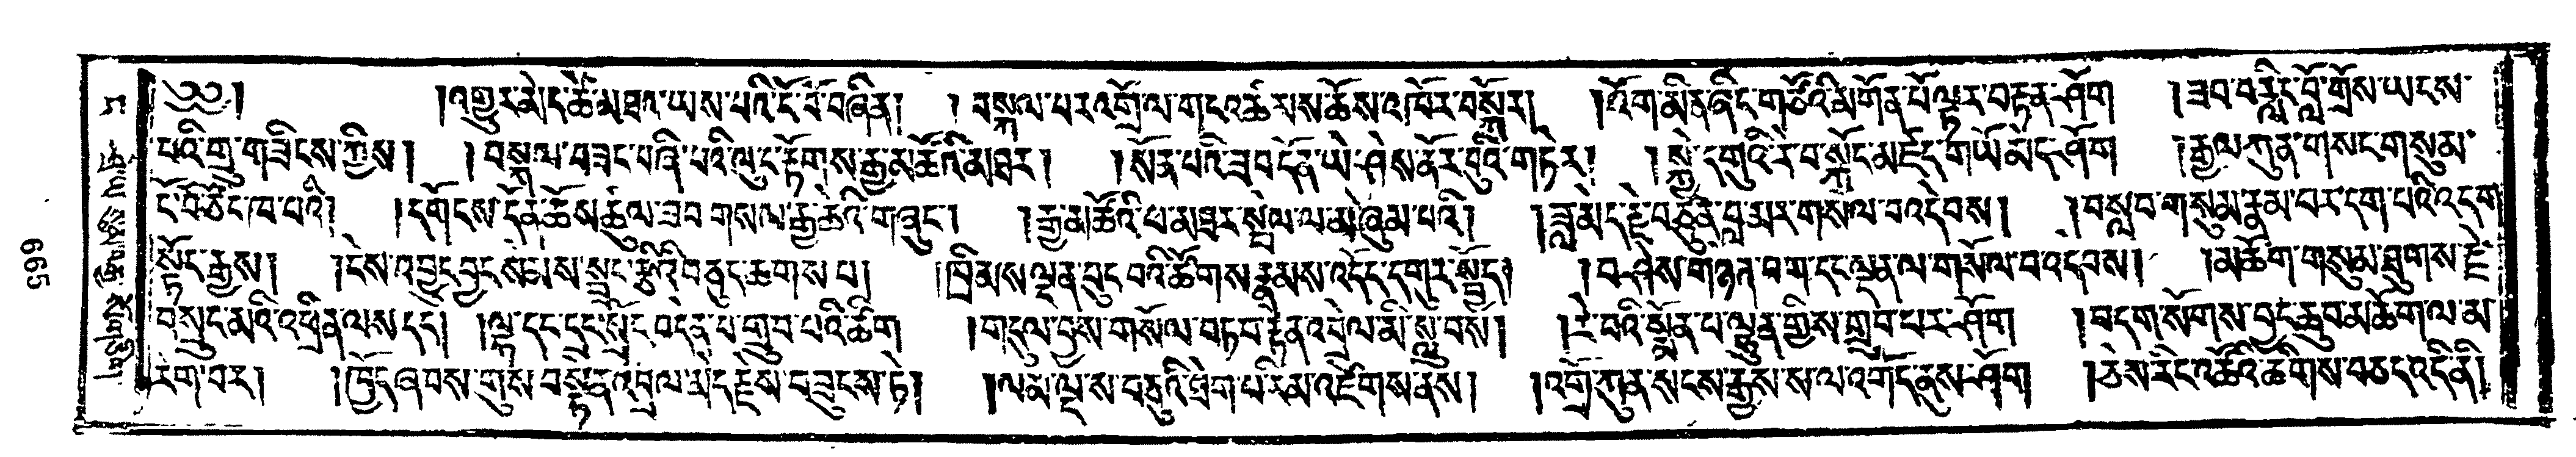༄༅། །འགྱུར་མེད་ཚེ་མཐའ་ཡས་པའི་ངོ་བོ་བཞིན། །བསྐལ་པར་འགྲོ་ལ་གང་འཚམས་ཆོས་འཁོར་བསྐོར། །འོག་མིན་ཞིང་གཙོའི་མགོན་པོ་ལྟར་བརྟན་ཤོག །ཟབ་བརླིང་བློ་གྲོས་ཡངས་
པའི་གྲུ་གཟིངས་ཀྱིས། །བསྐལ་བཟང་བཞི་པའི་ལུང་རྟོགས་རྒྱ་མཚོའི་མཐར། །སོན་པའི་ཟབ་དོན་ཡེ་ཤེས་ནོར་བུའི་གཏེར། །སྐྱེ་དགུའི་རེ་བ་སྐོང་མཛད་གཡོ་མེད་ཤོག །རྒྱལ་ཀུན་གསང་གསུམ་
ངོ་བོ་ཙོང་ཁ་བའི། །དགོངས་དོན་ཆོས་ཚུལ་ཟབ་གསལ་རྒྱ་ཆེའི་གཞུང་། །རྒྱ་མཚོའི་ཕ་མཐར་སྤེལ་ལ་མེ་ཞུམ་པའི། །ཟླ་མེད་རྗེ་བཙུན་བླ་མར་གསོལ་བ་འདེབས། །བསླབ་གསུམ་རྣམ་པར་དག་པའི་འདག་
སྟོང་རྒྱས། །ངེས་འབྱུང་བྱང་སེམས་སྦྲང་རྩིའི་བཅུད་ཆགས་པ། །ཁྲིམས་ལྡན་བུང་པའི་ཚོགས་རྣམས་འདོད་དགུར་སྤྱོད། །བཤེས་གཉན་བག་དང་ལྡན་ལ་གསོལ་བ་འདེབས། །མཆོག་གསུམ་ཐུགས་རྗེ་
བསྲུང་མའི་འཕྲིན་ལས་དང་། །ལྷ་དང་དྲང་སྲོང་བདེན་པ་གྲུབ་པའི་ཚིག །གདུལ་བྱས་གསོལ་བཏབ་རྟེན་འབྲེལ་མི་སླུ་བས། །རེ་བའི་སྨོན་པ་ལྷུན་གྱིས་གྲུབ་པར་ཤོག །བདག་སོགས་བྱང་ཆུབ་མཆོག་ལ་མ་
རེག་བར། །ཁྱོད་ཞབས་གུས་བསྟེན་འབྲལ་མེད་རྗེས་བཟུངས་ཏེ། །ལམ་ལྔ་ས་བཅུའི་ཐེག་པ་རིམ་འཛོགས་ནས། །འགྲོ་ཀུན་སངས་རྒྱས་ས་ལ་འགོད་ནུས་ཤོག །ཅེས་རིང་འཚོའི་ཆིགས་བཅད་འདི་ནི།